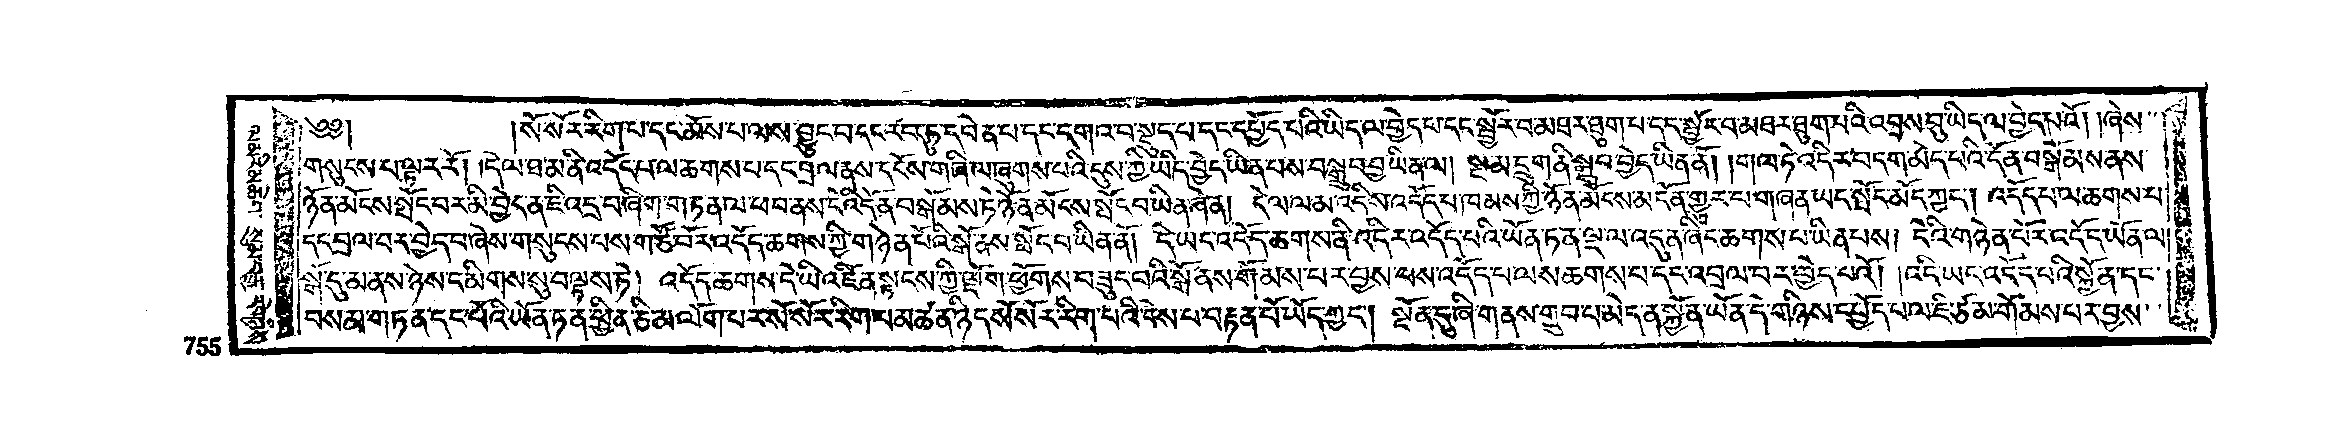༄༅། །སོ་སོར་རིག་པ་དང་མོས་པ་ལས་བྱུང་བ་དང་རབ་ཏུ་དབེན་པ་དང་དགའ་བ་སྡུད་པ་དང་དཔྱོད་པའི་ཡིད་ལ་བྱེད་པ་དང་སྦྱོར་བ་མཐར་ཐུག་པ་དང་སྦྱོར་བ་མཐར་ཐུག་པའི་འབྲས་བུ་ཡིད་ལ་བྱེད་པའོ། །ཞེས་
གསུངས་པ་ལྟར་རོ། །དེ་ལ་ཐ་མ་ནི་འདོད་པ་ལ་ཆགས་པ་དང་བྲལ་ནས་དངོས་གཞི་ལ་ཞུགས་པའི་དུས་ཀྱི་ཡིད་བྱེད་ཡིན་པས་བསྒྲུབ་བྱ་ཡིན་ལ། སྔ་མ་དྲུག་ནི་སྒྲུབ་བྱེད་ཡིན་ནོ། །གལ་ཏེ་འདིར་བདག་མེད་པའི་དོན་བསྒོམས་ནས་
ཉོན་མོངས་སྤོང་བར་མི་བྱེད་ན་ཇི་འདྲ་བ་ཞིག་གཏན་ལ་ཕབ་ནས་དེའི་དོན་བསྒོམས་ཏེ་ཉོན་མོངས་སྤོང་བ་ཡིན་ཞེ་ན། དེ་ལ་ལམ་འདིས་འདོད་པ་ཁམས་ཀྱི་ཉོན་མོངས་མངོན་གྱུར་པ་གཞན་ཡང་སྤོང་མོད་ཀྱང་། འདོད་པ་ལ་ཆགས་པ་
དང་བྲལ་བར་བྱེད་པ་ཞེས་གསུངས་པས་གཙོ་བོར་འདོད་ཆགས་ཀྱི་གཉེན་པོའི་སྒོ་ནས་སྤོང་བ་ཡིན་ནོ། །དེ་ཡང་འདོད་ཆགས་ནི་འདིར་འདོད་པའི་ཡོན་ཏན་ལྔ་ལ་འདུན་ཞིང་ཆགས་པ་ཡིན་པས། དེའི་གཉེན་པོར་འདོད་ཡོན་ལ་
སྒོ་དུ་མ་ནས་ཉེས་དམིགས་སུ་བལྟས་ཏེ། འདོད་ཆགས་དེ་ཡི་འཛིན་སྟངས་ཀྱི་ལྡོག་ཕྱོགས་བཟུང་བའི་སྒོ་ནས་གོམས་པར་བྱས་པས་འདོད་པ་ལས་ཆགས་པ་དང་འབྲལ་བར་བྱེད་པའོ། །འདི་ཡང་འདོད་པའི་སྐྱོན་དང་
བསམ་གཏན་དང་པོའི་ཡོན་ཏན་ཕྱིན་ཅི་མ་ལོག་པར་སོ་སོར་རིག་པ་མཚན་ཉིད་སོ་སོར་རིག་པའི་ངེས་པ་བརྟན་པོ་ཡོད་ཀྱང་། སྔོན་དུ་ཞི་གནས་གྲུབ་པ་མེད་ན་སྐྱོན་ཡོན་དེ་གཉིས་དཔྱོད་པ་ལ་ཇི་ཙམ་གོམས་པར་བྱས་